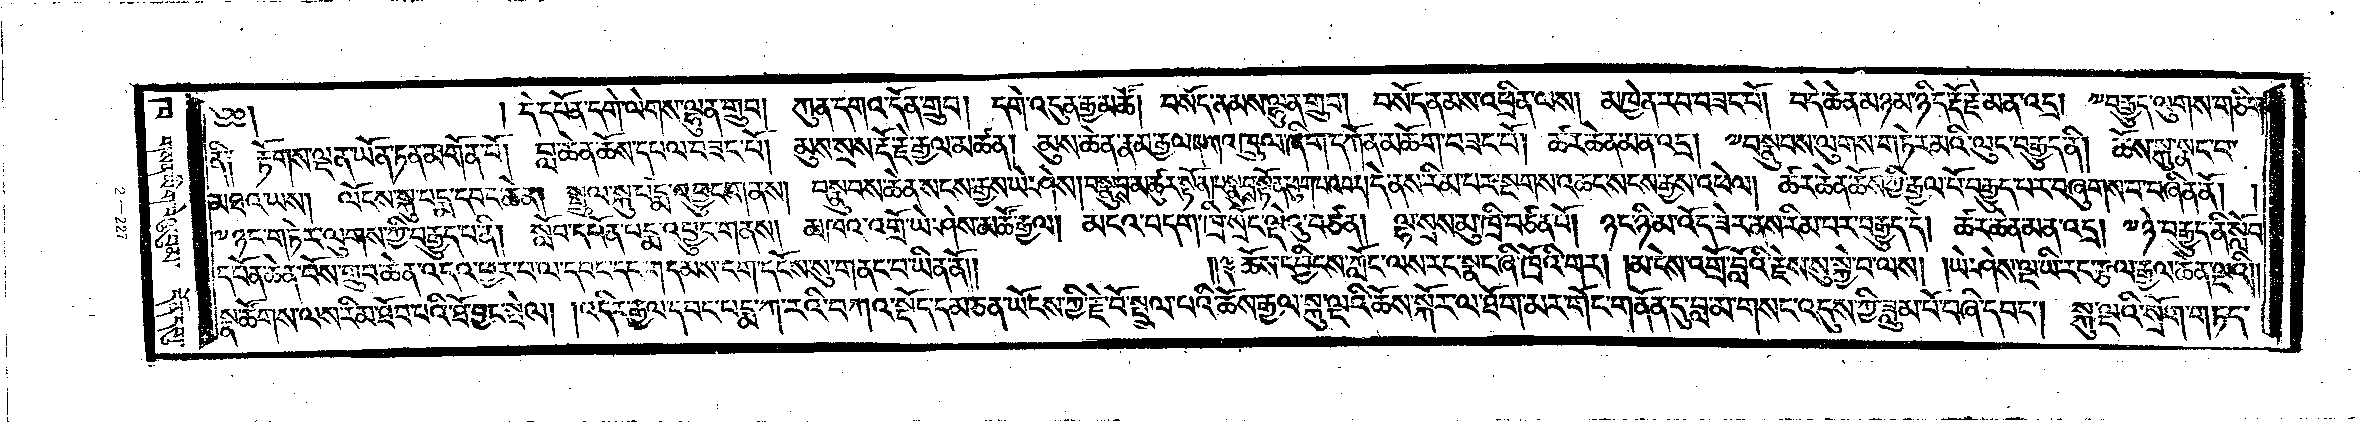༄༅། །དེ་དཔོན་དགེ་ལེགས་ལྷུན་གྲུབ། ཀུན་དགའ་དོན་གྲུབ། དགེ་འདུན་རྒྱ་མཚོ། བསོད་ནམས་ལྷུན་གྲུབ། བསོད་ནམས་འཕྲིན་ལས། མཁྱེན་རབ་བཟང་པོ། བདེ་ཆེན་མཉམ་ཉིད་རྡོ་རྗེ་མན་འདྲ། ༧བརྒྱུད་ལུགས་གཅིག་
ནི༑ རྟོགས་ལྡན་ཡོན་ཏན་མགོན་པོ། བླ་ཆེན་ཆོས་དཔལ་བཟང་པོ། མུས་སྲས་རྡོ་རྗེ་རྒྱལ་མཚན། མུས་ཆེན་རྣམ་རྒྱལ་དགའ་འཁྲུལ་ཞིག་དཀོན་མཆོག་བཟང་གོ། ཐར་ཆེན་མན་འདྲ ༧་བསྣུབས་ལུགས་གཏེར་མའི་ལུང་བརྒྱུད་ནི། ཆོས་སྐུ་སྣང་བ་
མཐའ་ཡས། ལོངས་སྐུ་པདམ་དབང་ཆེན། སྤྲུལ་སྐུ་པདམ་འབྱུང་གནས། བསྣུབས་ཆེན་སངས་རྒྱས་ཡེ་ཤེས། བསྣུབས་མཚུར་སྟོན་ཁ་སྣུབས་སྟོན་ཕུག་པ་འབར། དེ་ནས་རིམ་པར་སྔགས་འཆང་སངས་རྒྱས་འཕེལ། ཚར་ཆེན་ཆོས་ཀྱི་རྒྱལ་པོ་བརྒྱུད་པར་བཞུགས་པ་བཞིན་ནོ། །
༧ཉང་གཏེར་ལུགས་ཀྱི་བརྒྱུད་པ་ནི། སློབ་དཔོན་པདམ་འབྱུང་གནས། མཁའ་འགྲོ་ཡེ་ཤེས་མཚོ་རྒྱལ། མངའ་བདག་ཁྲི་སྲོང་ལྡེའུ་བྪན། ལྷ་སྲས་མུ་ཁྲི་བཙན་པོ། ཉང་ཉི་མ་འོད་ཟེར་ནས་རིམ་བར་བརྒྱུད་དེ། ཚར་ཆེན་མན་འདྲ། ༧ཉེ་བརྒྱུད་ནི་སློབ་
དབོན་ཆེན་བོས་གྲུབ་ཆེན་འདའ་ཕྱར་བ་ལ་དབང་དང་གདམས་ངག་དངོས་སུ་གནང་བ་ཡིན་ནོ།། །། ༈ ཆོས་དབྱིངས་ཀློང་ལས་རང་སྣང་ཞི་ཁྲོའི་གར། །མ་ངེས་འགྲོ་བློའི་རྗེས་སུ་སྐྱེ་བ་ལས། །ཡེ་ཤེས་ལྔ་ཡི་རང་རྩལ་རྒྱལ་ཆེན་ལྔའི།།
སྣ་ཚོགས་ལས་རིམ་ཐོབ་བའི་ཐོ་བྱང་སྤེལ། །འདིར་རྒྱལ་དབང་པདམ་ཀ་རའི་བཀའ་སྡོད་དམ་ཅན་ཡོངས་ཀྱི་རྗེ་བོ་སྤྲུལ་པའི་ཆོས་རྒྱལ་སྐུ་ལྔའི་ཆོས་སྐོར་ལ་ཐོག་མར་གོང་གནོན་དུ་བླ་མ་གསང་འདུས་ཀྱི་ཟླུམ་པོ་བཞི་དབང་། སྐུ་ལྔའི་སྲོག་གཏད་